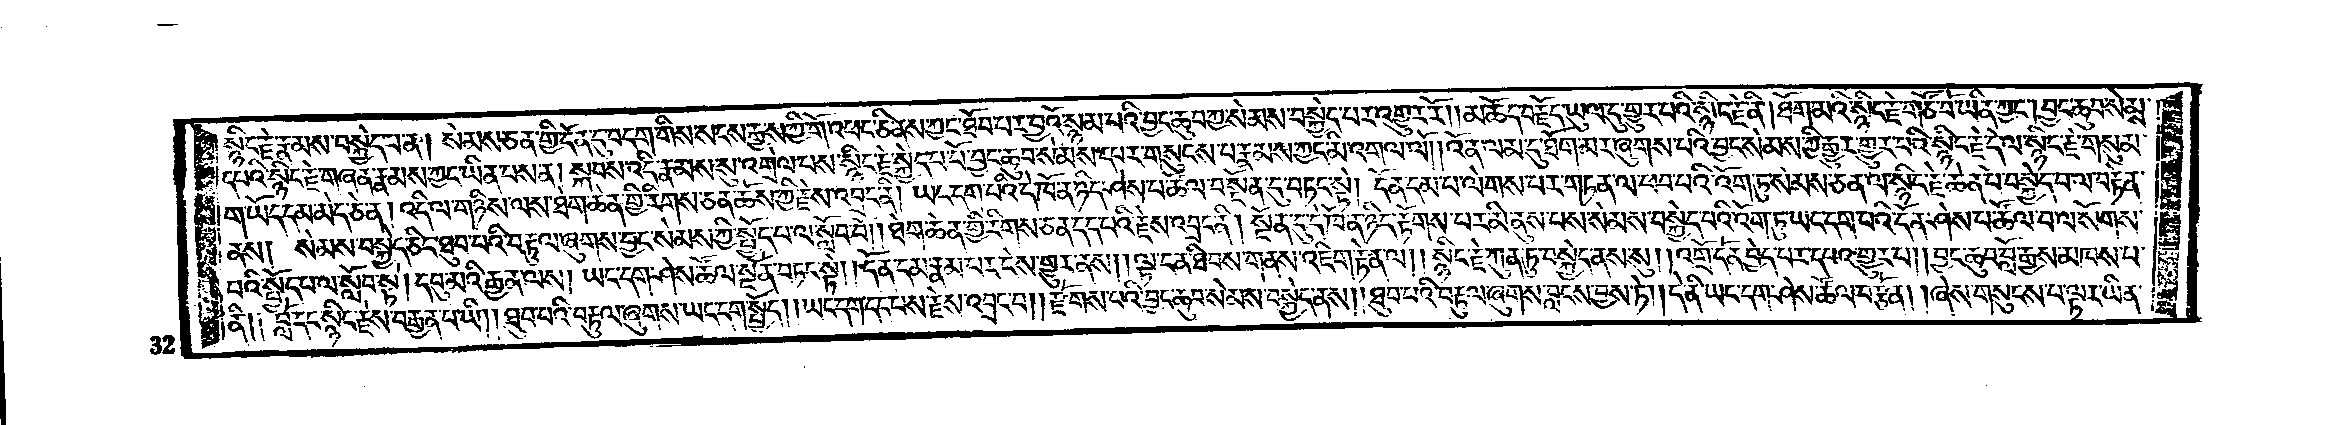སྙིང་རྗེ་རྣམས་བསྐྱེད་པ་ན། སེམས་ཅན་གྱི་དོན་དུ་བདག་གིས་སངས་རྒྱས་ཀྱི་གོ་འཕང་ཅི་ནས་ཀྱང་ཐོབ་པར་བྱའོ་སྙམ་པའི་བྱང་ཆུབ་ཀྱི་སེམས་བསྐྱེད་པར་འགྱུར་རོ། །མཆོད་བརྗོད་ཡུལ་དུ་གྱུར་པའི་སྙིང་རྗེ་ནི། ཐོག་མའི་སྙིང་རྗེ་གཙོ་བོ་ཡིན་ཀྱང་། བྱང་ཆུབ་སེམས་
དཔའི་སྙིང་རྗེ་གཞན་རྣམས་ཀྱང་ཡིན་པས་ན། སྐབས་འདི་རྣམས་སུ་འགྲེལ་པས་སྙིང་རྗེ་སྐྱེད་པ་པོ་བྱང་ཆུབ་སེམས་དཔར་གསུངས་པ་རྣམས་ཀྱང་མི་འགལ་ལོ། །འོ་ན་ལམ་དུ་ཐོག་མར་ཞུགས་པའི་བྱང་སེམས་ཀྱི་རྒྱུར་གྱུར་པའི་སྙིང་རྗེ་དེ་ལ་སྙིང་རྗེ་གསུམ་
ག་ཡོད་དམ་མེད་ཅེ་ན། འདི་ལ་གཉིས་ལས་ཐེག་ཆེན་གྱི་རིགས་ཅན་ཆོས་ཀྱི་རྗེས་འབྲང་ནི། ཡང་དག་པའི་དེ་ཁོ་ན་ཉིད་ཤེས་པ་ཚོལ་བ་སྔོན་དུ་བཏང་སྟེ། དོན་དམ་པ་ལེགས་པར་གཏན་ལ་ཕབ་པའི་འོག་ཏུ་སེམས་ཅན་ལ་སྙིང་རྗེ་ཆེན་པོ་བསྐྱེད་པ་ལ་བརྟེན་
ནས། སེམས་ཅན་བསྐྱེད་ཅིང་ཐུབ་པའི་བརྟུལ་ཞུགས་བྱང་སེམས་ཀྱི་སྤྱོད་པ་ལ་སློབ་བོ། །ཐེག་ཆེན་གྱི་རིགས་ཅན་དད་པའི་རྗེས་འབྲང་ནི། སྔོན་དུ་དེ་ཁོ་ན་ཉིད་རྟོགས་པར་མི་ནུས་པས་སེམས་བསྐྱེད་པའི་འོག་ཏུ་ཡང་དག་པའི་དོན་ཤེས་པ་ཚོལ་བ་ལ་སོགས་
པའི་སྤྱོད་པ་ལ་སློབ་སྟེ། དབུ་མའི་རྒྱན་ལས། ཡང་དག་ཤེས་ཚོལ་སྔོན་བཏང་སྟེ། །དོན་དམ་རྣམ་པར་ངེས་གྱུར་ནས། །ལྟ་ངན་ཐིབས་གནས་འཇིག་རྟེན་ལ། །སྙིང་རྗེ་ཀུན་ཏུ་བསྐྱེད་ནས་སུ། །འགྲོ་དོན་བྱེད་པར་དཔའ་གྱུར་པ། །བྱང་ཆུབ་བློ་རྒྱས་མཁས་པ་
ནི། །བློ་དང་སྙིང་རྗེས་བརྒྱན་པ་ཡི། །ཐུབ་པའི་བརྟུལ་ཞུགས་ཡང་དག་སྤྱོད། །ཡང་དག་དད་པས་རྗེས་འབྲང་བ། །རྫོགས་པའི་བྱང་ཆུབ་སེམས་བསྐྱེད་ནས། །ཐུབ་པའི་བརྟུལ་ཞུགས་བླངས་བྱས་ཏེ། །དེ་ནི་ཡང་དག་ཤེས་ཚོལ་བརྩོན། །ཞེས་གསུངས་པ་ལྟར་ཡིན་